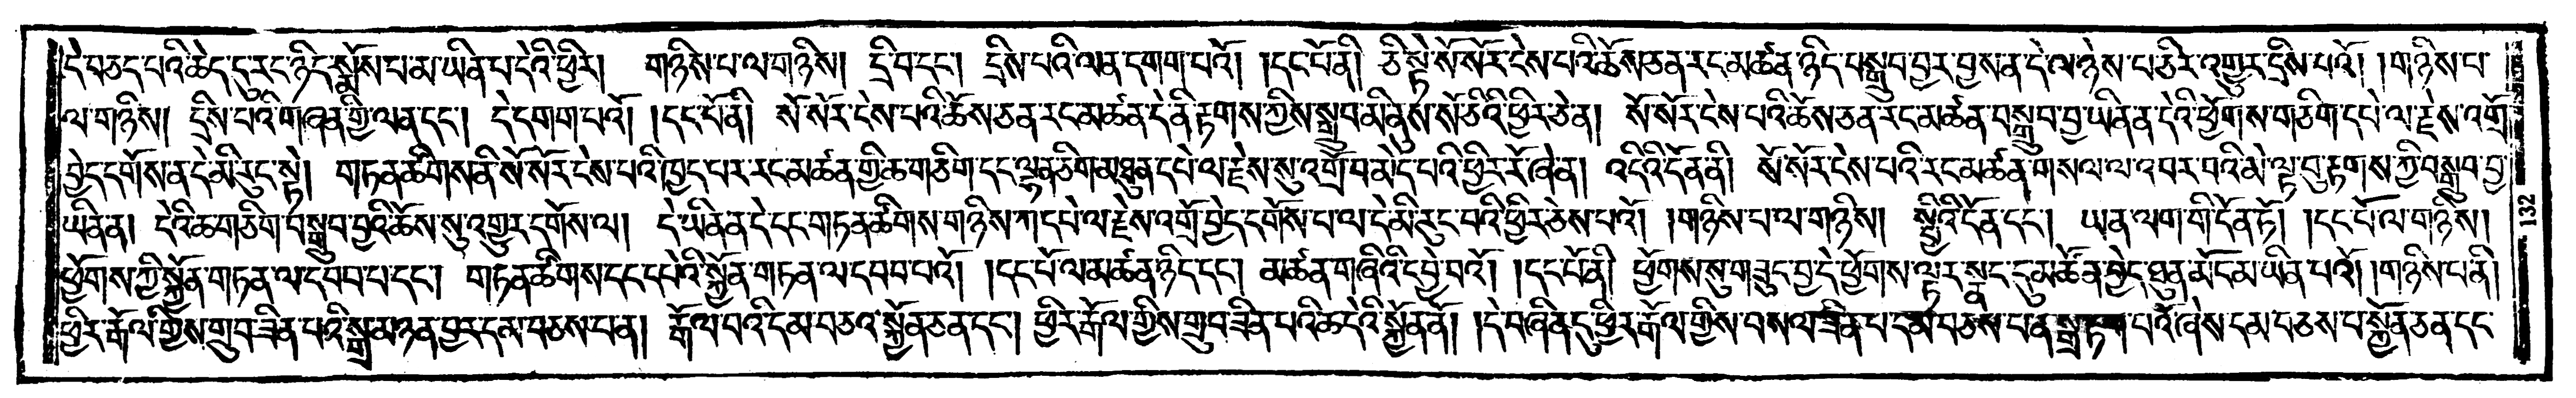དེ་བཅད་པའི་ཆེད་དུ་རང་ཉིད་སྨོས་པ་མ་ཡིན་པ་དེའི་ཕྱིར། གཉིས་པ་ལ་གཉིས། དྲི་བ་དང་། དྲིས་པའི་ལན་དགག་པའོ། །དང་པོ་ནི། ཅི་སྟེ་སོ་སོར་ངེས་པའི་ཆོས་ཅན་རང་མཚན་ཉིད་བསྒྲུབ་བྱར་བྱས་ན་དེ་ལ་ཉེས་པ་ཅིར་འགྱུར་དྲིས་པའོ། །གཉིས་པ་
ལ་གཉིས། དྲིས་པའི་གཞན་གྱི་ལན་དང་། དེ་དགག་པའོ། །དང་པོ་ནི། སོ་སོར་ངེས་པའི་ཆོས་ཅན་རང་མཚན་དེ་ནི་རྟགས་ཀྱིས་སྒྲུབ་མི་ནུས་སོ་ཅིའི་ཕྱིར་ཅེ་ན། སོ་སོར་ངེས་པའི་ཆོས་ཅན་རང་མཚན་བསྒྲུབ་བྱ་ཡིན་ན་དེའི་ཕྱོགས་གཅིག་དཔེ་ལ་རྗེས་འགྲོ་
བྱེད་དགོས་ན་དེ་མི་རུང་སྟེ། གཏན་ཚིགས་ནི་སོ་སོར་ངེས་པའི་ཁྱད་པར་རང་མཚན་གྱི་ཆ་གཅིག་དང་ལྷན་ཅིག་མཐུན་དཔེ་ལ་རྗེས་སུ་འགྲོ་བ་མེད་པའི་ཕྱིར་རོ་ཞེ་ན། འདིའི་དོན་ནི། སོ་སོར་ངེས་པའི་རང་མཚན་གསལ་ལ་འབར་བའི་མེ་ལྟ་བུ་རྟགས་ཀྱི་བསྒྲུབ་བྱ་
ཡིན་ན། དེའི་ཆ་གཅིག་བསྒྲུབ་བྱའི་ཆོས་སུ་འགྱུར་དགོས་ལ། དེ་ཡིན་ན་དེ་དང་གཏན་ཚིགས་གཉིས་ཀ་དཔེ་ལ་རྗེས་འགྲོ་བྱེད་དགོས་པ་ལ་དེ་མི་རུང་བའི་ཕྱིར་ཅེས་པའོ། །གཉིས་པ་ལ་གཉིས། སྤྱིའི་དོན་དང་། ཡན་ལག་གི་དོན་ཏོ། །དང་པོ་ལ་གཉིས།
ཕྱོགས་ཀྱི་སྐྱོན་གཏན་ལ་དབབ་པ་དང་། གཏན་ཚིགས་དང་དཔེའི་སྐྱོན་གཏན་ལ་དབབ་པའོ། །དང་པོ་ལ་མཚན་ཉིད་དང་། མཚན་གཞིའི་དབྱེ་བའོ། །དང་པོ་ནི། ཕྱོགས་སུ་གཟུང་བྱ་དེ་ཕྱོགས་ལྟར་སྣང་དུ་མཚོན་བྱེད་ཐུན་མོང་མ་ཡིན་པའོ། །གཉིས་པ་ནི།
ཕྱིར་རྒོལ་གྱིས་གྲུབ་ཟིན་པའི་སྒྲ་མཉན་བྱར་དམ་བཅས་པ་ན། རྒོལ་བའི་དམ་བཅའ་སྐྱོན་ཅན་དང་། ཕྱིར་རྒོལ་གྱིས་གྲུབ་ཟིན་པའི་ཆ་དེའི་སྐྱོན་ནོ། །དེ་བཞིན་དུ་ཕྱིར་རྒོལ་གྱིས་བསལ་ཟིན་པ་དམ་བཅས་པ་ན་སྒྲ་རྟག་པའོ་ཞེས་དམ་བཅས་པ་སྐྱོན་ཅན་དང་